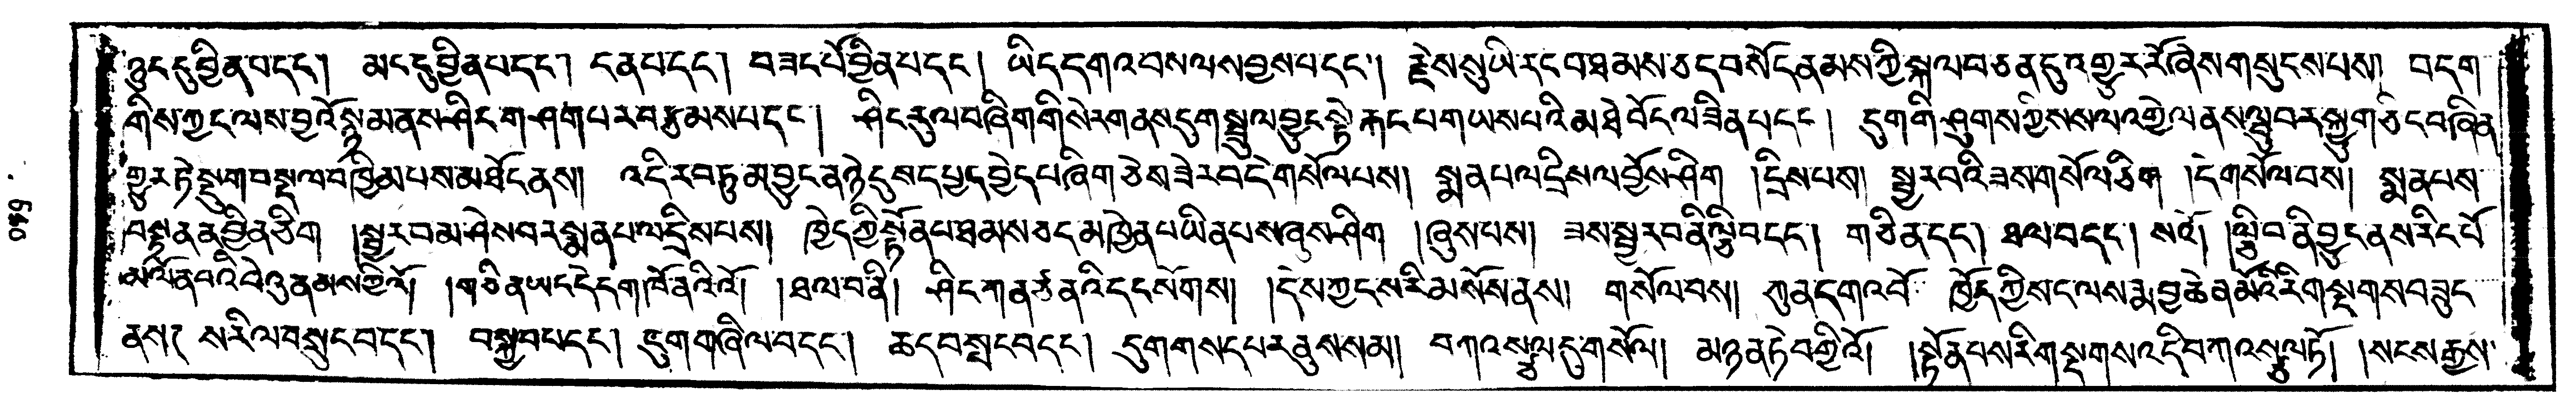ཉུང་དུ་བྱིན་པ་དང་། མང་དུ་བྱིན་པ་དང་། ངན་པ་དང་། བཟང་པོ་བྱིན་པ་དང་། ཡིད་དགའ་བས་ལས་བྱས་པ་དང་། རྗེས་སུ་ཡི་རང་བ་ཐམས་ཅད་བསོད་ནམས་ཀྱི་སྐལ་བ་ཅན་དུ་འགྱུར་རོ་ཞེས་གསུངས་པས། བདག་
གིས་ཀྱང་ལས་བྱའོ་སྙམ་ནས་ཤིང་གཤག་པར་བརྩམས་པ་དང་། ཤིང་རུལ་བཞིག་གི་སེར་གནས་དུག་སྦྲུལ་བྱུང་སྟེ་རྐང་པ་གཡས་པའི་མཐེ་བོང་ལ་ཟིན་པ་དང་། དུག་གི་ཤུགས་ཀྱིས་སལ་འགྱེལ་ནས་ཝྦུ་བར་སྐྱུག་ཅིང་བཞིན་
གྱུར་ཏེ་སྡུག་བསྔལ་འཁྱིམ་པས་མཐོང་ནས། འདི་རབ་ཏུ་མ་བྱུང་ན་ཉེ་དུ་ས་དཔྱད་བྱེད་པ་ཞིག་ཅེས་ཟེར་བ་དེ་གསོལ་པས། སྨན་པ་ལ་དྲིས་ལ་བྱོས་ཤིག །དྲིས་པས། སྦྱར་བའི་ཟས་གསོལ་ཅིག །དེ་གསོལ་བས། སྨན་པས་
བསྟན་ན་བྱིན་ཅིག །སྦྱར་བམ་ཤེས་བར་སྨན་པ་ལ་དྲིས་པས། ཁྱེད་ཀྱི་སྟོན་པ་ཐམས་ཅད་མཁྱེན་པ་ཡིན་པས་ཞུས་ཤིག །ཞུས་པས། ཟས་སྦྱར་བ་ནི་ལྕིབ་དང་། གཅིན་དང་། ཐལ་བ་དང་། སའོ། །ལྕི་བ་ནི་བྱུང་ནས་རིང་པོ་
མ་ལོན་པའི་བེའུ་ནམས་ཀྱིའོ། །གཅིན་ཡང་དེ་དག་ཁོ་ནའི་འོ། །ཐལ་བ་ནི། ཤིང་ཀན་ཙ་ནའི་དང་སོགས། །དེས་ཀྱང་རིམ་སོས་ནས། གསོལ་བས། ཀུན་དགའ་བོ་ཁྱོད་ཀྱིས་ང་ལས་རྨ་བྱ་ཆེན་མོའི་རིག་སྔགས་བཟུང་
ནས༑ ས་རིལ་བསྲུང་བ་དང་། བསྐྱབ་པ་དང་། དུག་གཞིལ་བ་དང་། ཆད་བ་སྤང་བ་དང་། དུག་གསད་པར་ནུས་སམ། བཀའ་སྩལ་དུ་གསོལ། མཉན་ཏེ་བགྱིའོ། །སྟོན་པས་རིག་སྔགས་འདི་བཀའ་སྩལ་ཏོ། །སངས་རྒྱ་